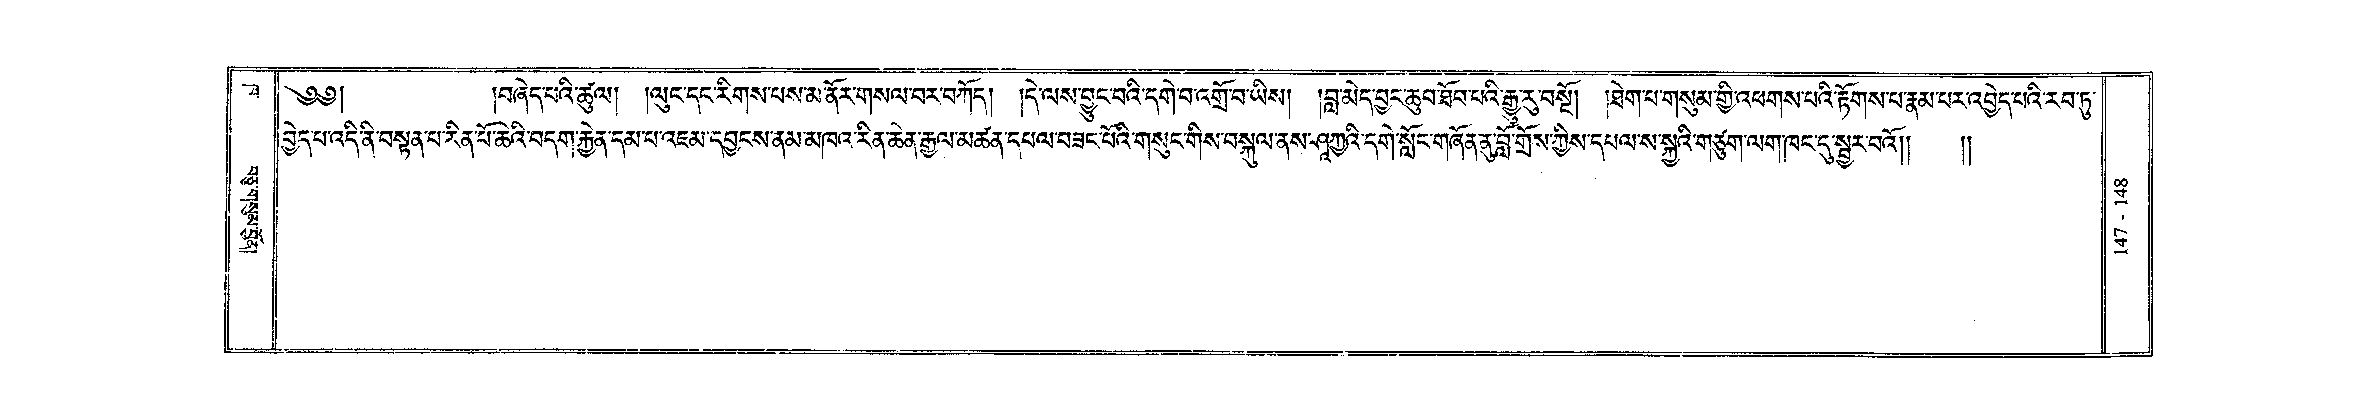༄༅། །བཞེད་པའི་ཚུལ། །ལུང་དང་རིགས་པས་མ་ནོར་གསལ་བར་བཀོད། །དེ་ལས་བྱུང་བའི་དགེ་བ་འགྲོ་བ་ཡིས། །བླ་མེད་བྱང་ཆུབ་ཐོབ་པའི་རྒྱུ་རུ་བསྔོ། །ཐེག་པ་གསུམ་གྱི་འཕགས་པའི་རྟོགས་པ་རྣམ་པར་འབྱེད་པའི་རབ་ཏུ་
བྱེད་པ་འདི་ནི་བསྟན་པ་རིན་པོ་ཆེའི་བདག་རྐྱེན་དམ་པ་འཇམ་དབྱངས་ནམ་མཁའ་རིན་ཆེན་རྒྱལ་མཚན་དཔལ་བཟང་པོའི་གསུང་གིས་བསྐུལ་ནས་ཤཱཀྱའི་དགེ་སློང་གཞོན་ནུ་བློ་གྲོས་ཀྱིས་དཔལ་ས་སྐྱའི་གཙུག་ལག་ཁང་དུ་སྦྱར་བའོ།། །།